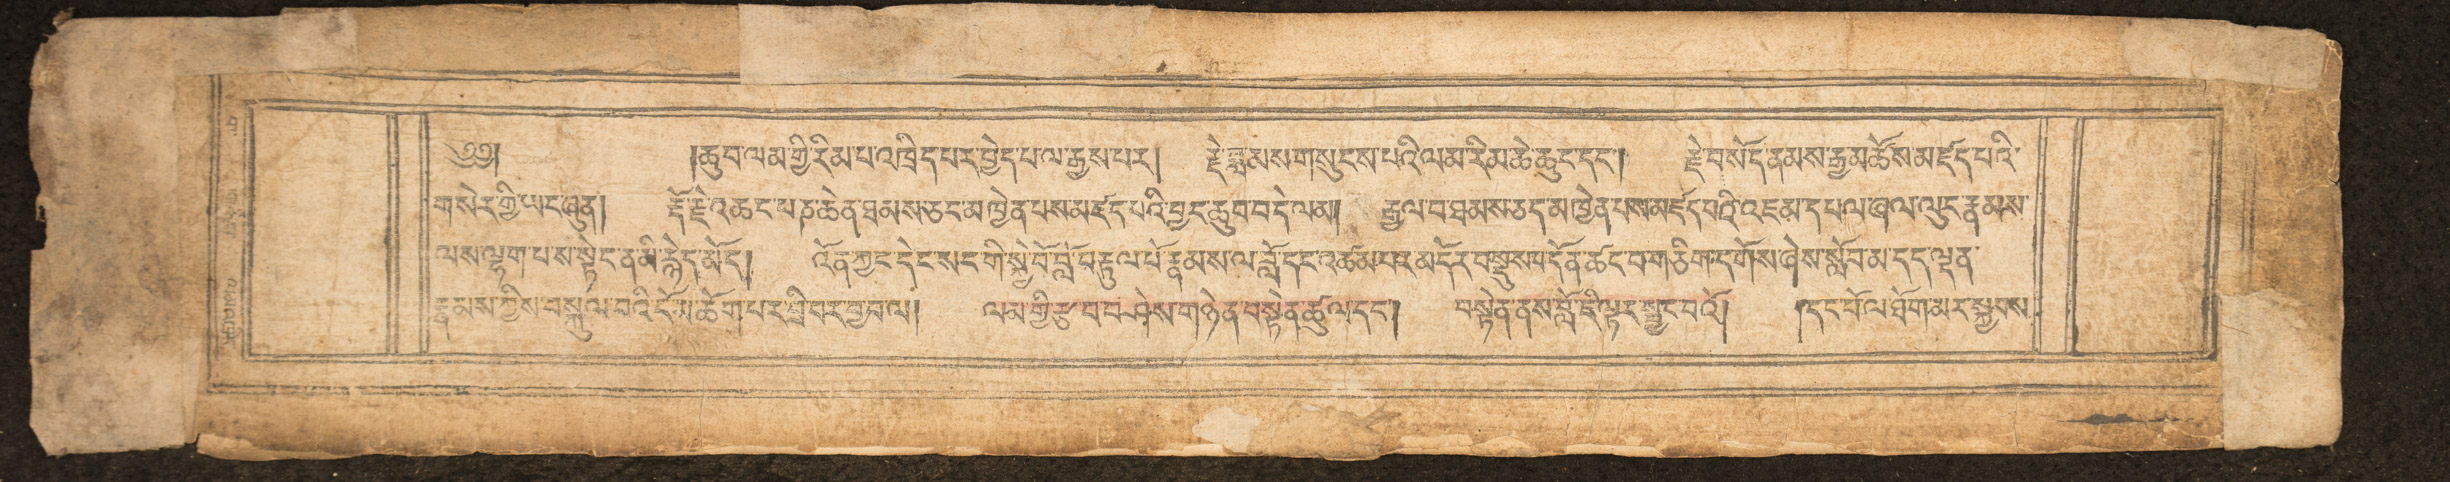༄༅། །ཆུབ་ལམ་གྱི་རིམ་པ་འཁྲིད་བར་བྱེད་པ་ལ་རྒྱས་པར། རྗེ་བླ་མས་གསུངས་བའི་ལམ་རིམ་ཆེ་ཆུང་དང་། རྗེ་བསོད་ནམས་རྒྱ་མཚོའི་མཛད་པའི?
གསེར་གྱི་ཡང་ཞུན། རྡོ་རྗེ་འཆང་པཎ་ཆེན་ཐམས་ཅད་མཁྱེན་པས་མཛད་པའི་བྱང་ཆུབ་བདེ་ལམ། རྒྱལ་བ་ཐམས་ཅད་མཁྱེན་པས་མཛད་པའི་འཇམ་དཔལ་ཞལ་ལུང་རྣམས་
ལས་ལྷག་པ་ས་སྟེང་ན་མི་རྙེད་མོད། འོན་ཀྱང་དེང་སང་གི་སྐྱེ་བོ་བློ་བརྟུལ་པོ་རྣམས་ལ་བློ་དང་འཚམ་པར་མདོར་བསྡུས་བདོན་ཚང་བ་གཅིག་དགོས་ཞེས་སློབ་མ་དད་ལྡན་
རྣམས་ཀྱིས་བསྐུལ་བའི་ངོ་མ་ཆོག་པར་བྲི་བར་བྱ་བ་ལ། ལམ་གྱི་རྩ་བ་བཤེས་གཉེན་བསྟེན་ཚུལ་དང་། བསྟེན་ནས་བློ་ཇི་ལྟར་སྦྱང་པའོ། །དང་པོ་ལ་ཐོག་མར་སྐྱབས་